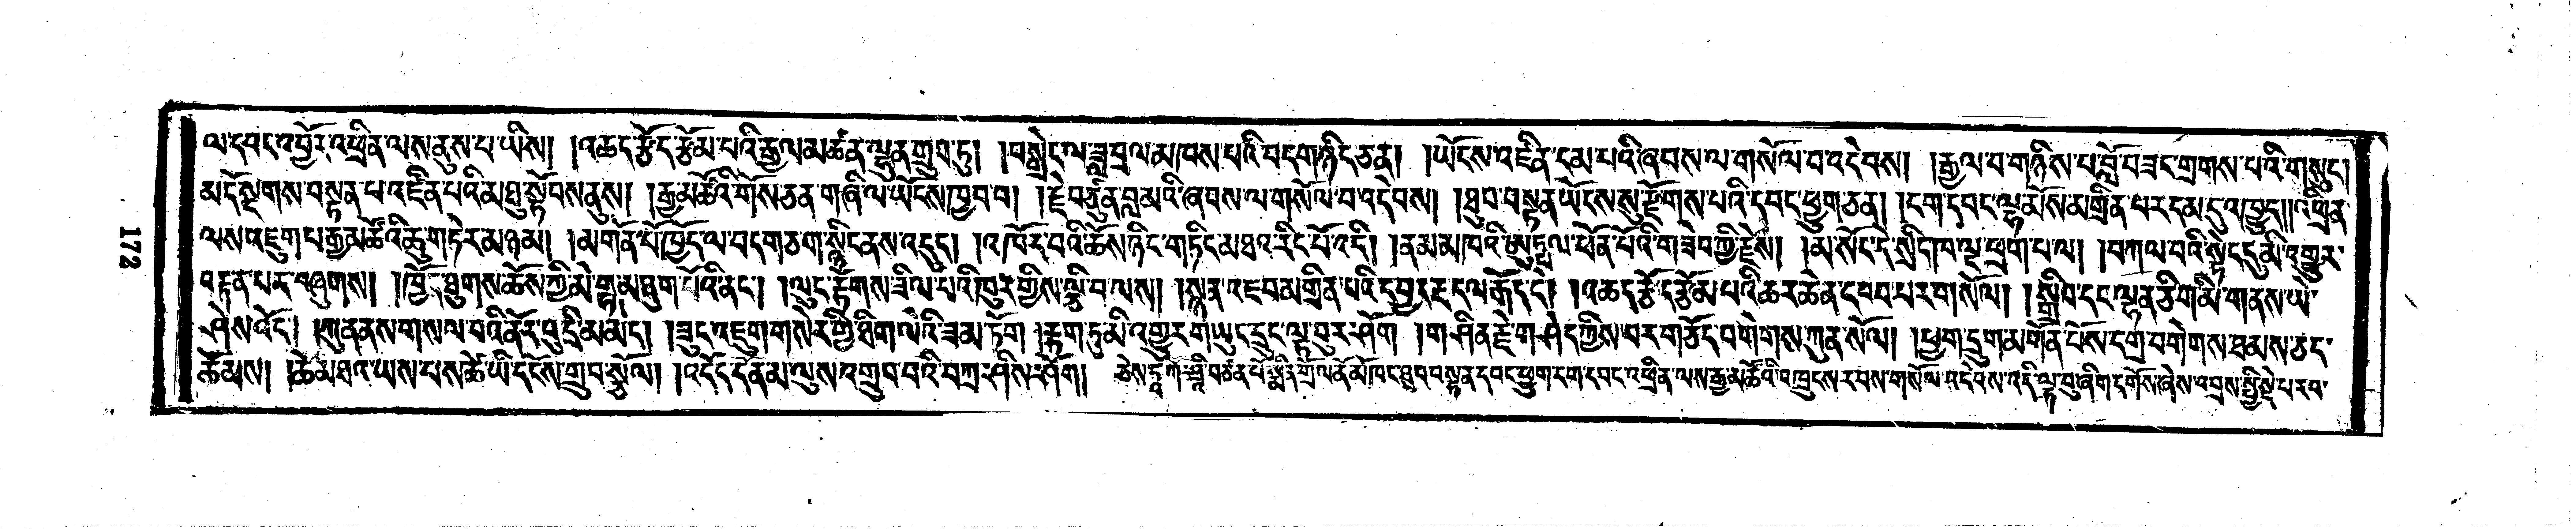ལ་དབང་འབྱོར་འཕྲིན་ལས་ནུས་པ་ཡིས། །འཆད་རྩོད་རྩོམ་པའི་རྒྱལ་མཚན་ལྷུན་གྲུབ་ཏུ། །བསྒྲེང་ལ་ཟླ་བྲལ་མཁས་པའི་བདག་ཉིད་ཅན། །ཡོངས་འཛིན་དམ་པའི་ཞབས་ལ་གསོལ་བ་འདེབས། །རྒྱལ་བ་གཉིས་པ་བློ་བཟང་གྲགས་པའི་གསུང་།
མདོ་སྔགས་བསྟན་པ་འཛིན་པའི་མཐུ་སྟོབས་ནུས། །རྒྱ་མཚོའི་གོས་ཅན་གཞི་ལ་ཡོངས་ཁྱབ་པ། །རྗེ་བཙུན་བླ་མའི་ཞབས་ལ་གསོལ་བ་འདེབས། །ཐུབ་བསྟན་ཡོངས་སུ་རྫོགས་པའི་དབང་ཕྱུག་ཅན། །ངག་དབང་ལྷ་མོས་མགྲིན་པར་དམ་དུ་འཁྱུད། །འཕྲིན་
ལས་འཇུག་པ་རྒྱ་མཚོའི་ཆུ་གཏེར་མཉམ། །མགོན་པོ་ཁྱོད་ལ་བདག་ཅག་སྙིང་ནས་འདུད། །འཁོར་བའི་ཆོས་ཉིང་གཏིང་མཐའ་རིང་པོ་འདི། །ནམ་མཁའི་ཨུཏྤལ་ཕོན་པོའི་གཟེབ་ཀྱི་རྗེས། །མ་སོང་དེ་སྲིང་ཁ་ལྔ་ཕྲག་པ་ལ། །བཀལ་བའི་སྟེང་དུ་མི་འགྱུར་
བརྟན་པར་བཞུགས། །ཁྱོད་ཐུགས་ཆོས་ཀྱི་མེ་གྷ་མཐུག་པོའི་ནང་། །ལུང་རྟོགས་ཟིལ་པའི་ཁུར་གྱིས་ལྕི་བ་ལས། །སྙན་འཇབ་མགྲིན་པའི་དབྱང་རྔ་དལ་རྒོད་དེ། །འཆད་རྩོད་རྩོམ་པའི་ཆར་ཆེན་དབབ་པར་གསོལ། །སྒྲིབ་དང་ལྷན་ཅིག་མི་གནས་ཡེ་
ཤེས་འོང་། །ཀུན་ནས་གསལ་བའི་ནོར་བུ་དྲི་མ་མེད། །ཟུང་འཇུག་གསེར་གྱི་ཐིག་ལེའི་ཟམ་ཏོག །རྟག་ཏུ་མི་འགྱུར་གཡུང་དྲུང་ལྟ་བུར་ཤོག །གཤིན་རྗེ་གཤེད་ཀྱིས་བར་གཅོད་བགེགས་ཀུན་སོལ། །ཕྱག་དྲུག་མགོན་པོས་དགྲ་བགེགས་ཐམས་ཅད་
ཚོམས། །ཆེ་མཐའ་ཡས་པས་ཚེ་ཡི་དངོས་གྲུབ་སྩོལ། །འདོད་དོན་མ་ལུས་འགྲུབ་པའི་བཀྲ་ཤིས་ཤོག །ཅེས་ཏཱ་ཀ་ཤྲཱི་བཙན་པོ་སྨིན་གྲོལ་ནོ་མོ་ཁང་ཐུབ་བསྟན་དབང་ཕྱུག་ངག་དབང་འཕྲིན་ལས་རྒྱ་མཚོའི་འཁྲུངས་རབས་གསོལ་འདེབས་འདི་ལྟ་བུ་ཞིག་དགོས་ཞེས་འབྲས་སྤྱི་སྡེ་པར་བ་